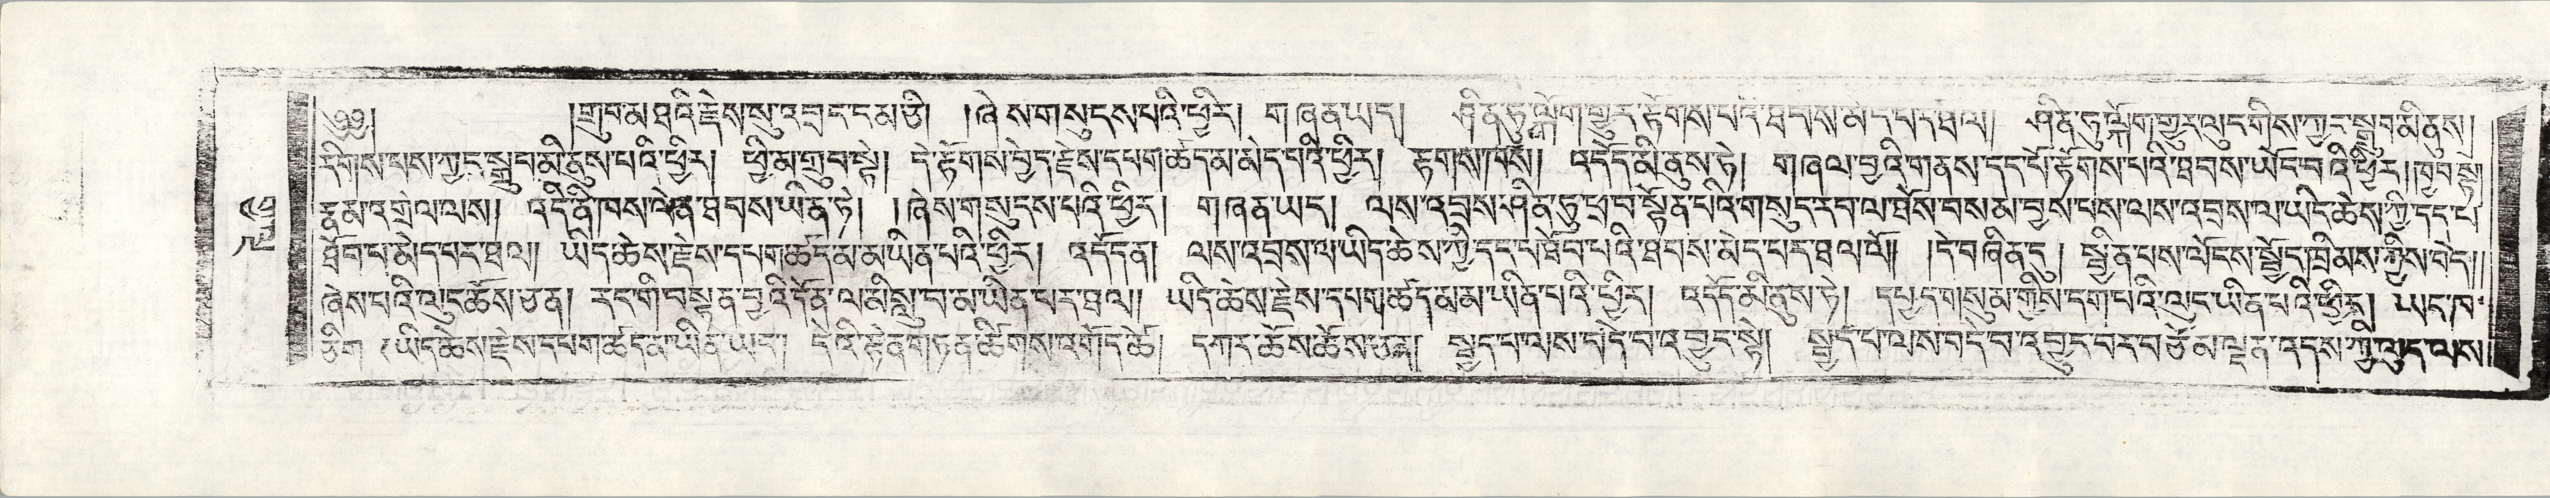༄༅། །གྲུབ་མཐའི་རྗེས་སུ་འབྲང་ངམ་ཅི། །ཞེས་གསུངས་པའི་ཕྱིར། གཞན་ཡང་།ཤིན་ཏུ་ལྐོག་གྱུར་རྟོགས་པའི་ཐབས་མེད་པར་ཐལ། ཤིན་ཏུ་ལྐོག་གྱུར་ལུང་གིས་ཀྱང་སྒྲུབ་མི་ནུས།
རིགས་པས་ཀྱང་སྒྲུབ་མི་ནུས་པའི་ཕྱིར། ཕྱི་མ་གྲུབ་སྟེ། དེ་རྟོགས་བྱེད་རྗེས་དཔག་ཚད་མ་མེད་པའི་ཕྱིར། རྟགས་ཁས། འདོད་མི་ནུས་ཏེ། གཞལ་བྱའི་གནས་དང་པོ་རྟོགས་པའི་ཐབས་ཡོད་པའི་ཕྱིར། ཁྱབ་སྟེ་
རྣམ་འགྲེལ་ལས། འདི་ནི་ཁས་ལེན་ཐབས་ཡིན་ཏེ། །ཞེས་གསུངས་པའི་ཕྱིར། གཞན་ཡང་།ལས་འབྲས་ཤིན་ཏུ་ཕྲ་བ་སྟོན་པའི་གསུང་རབ་ལ་ཐོས་བསམ་བྱས་པས་ལས་འབྲས་ལ་ཡིད་ཆེས་ཀྱི་དད་པ་
ཐོབ་པ་མེད་པར་ཐལ། ཡིད་ཆེས་རྗེས་དཔག་ཚད་མ་མ་ཡིན་པའི་ཕྱིར། འདོད་ན། ལས་འབྲས་ལ་ཡིད་ཆེས་ཀྱི་དད་པ་ཐོབ་པའི་ཐབས་མེད་པར་ཐལ་ལོ། །དེ་བཞིན་དུ། སྦྱིན་པས་ལོངས་སྤྱོད་ཁྲིམས་ཀྱིས་བདེ།
ཞེས་པའི་ལུང་ཆོས་ཅན། རང་གི་བསྟན་བྱའི་དོན་ལ་མི་སླུ་བ་མ་ཡིན་པར་ཐལ། ཡིད་ཆེས་རྗེས་དཔག་ཚད་མ་མ་ཡིན་པའི་ཕྱིར། འདོད་མི་ནུས་ཏེ། དཔྱད་གསུམ་གྱིས་དག་པའི་ལུང་ཡིན་པའི་ཕྱིར། ཡང་ཁ་
ཅིག །ཡིད་ཆེས་རྗེས་དཔག་ཚད་མ་ཡིན་ཡང་།དེའི་རྟེན་གཏན་ཚིགས་འགོད་ཚེ། དཀར་ཆོས་ཆོས་ཅན། སྤྱད་པ་ལས་བདེ་བ་འབྱུང་སྟེ། སྤྱད་པ་ལས་བདེ་བ་འབྱུང་བར་བཅོམ་ལྡན་འདས་ཀྱི་ལུང་ལས་